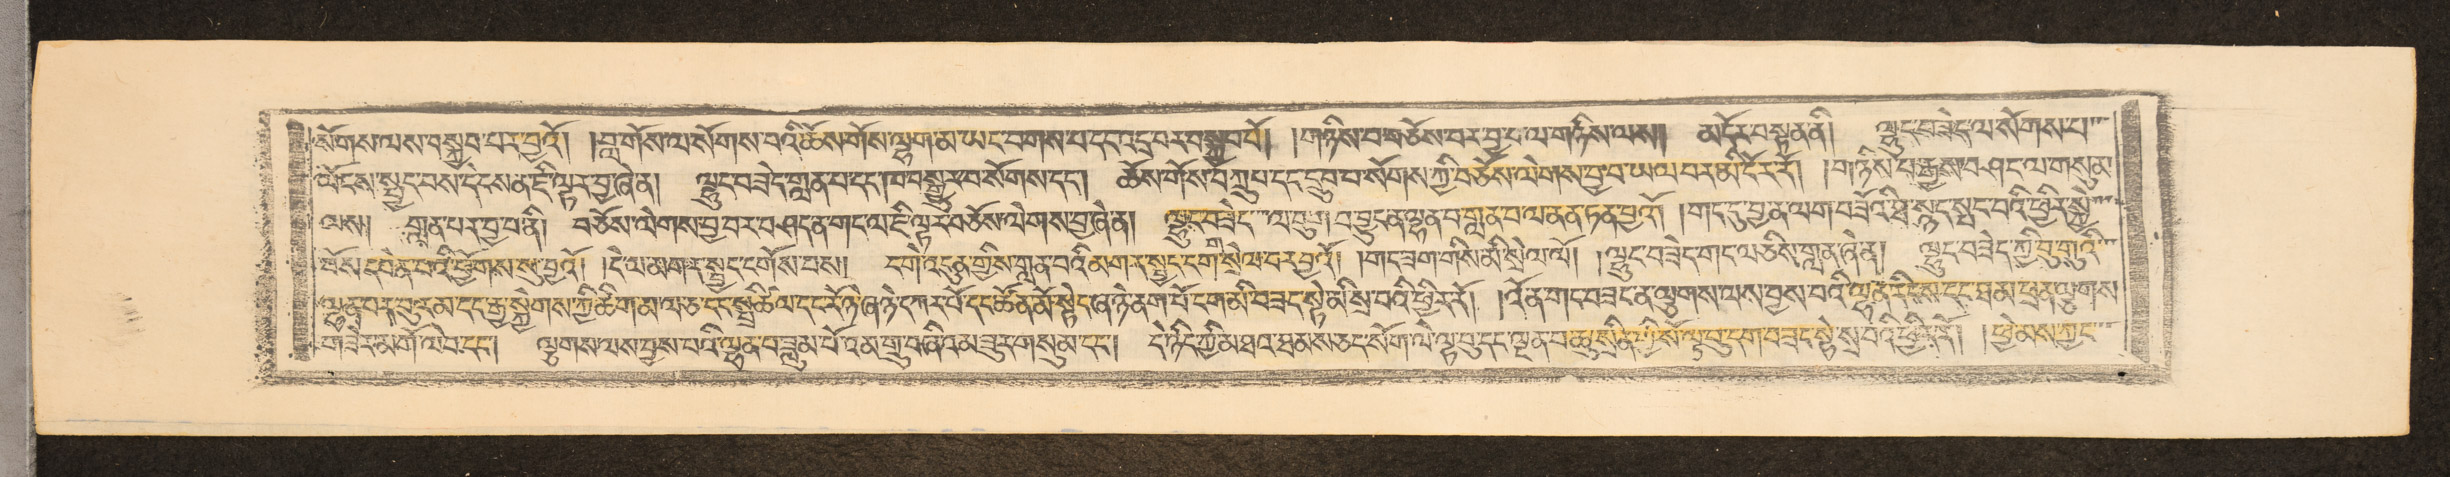སོགས་ལས་བསྐྱབ་པར་བྱའོ། །བླ་གོས་ལ་སོགས་པའི་ཆོས་གོས་ལྷག་མ་ཡང་པགས་པ་དང་འདྲ་བར་བསྐྱབ་བོ། །གཉིས་པ་བཅོས་བར་བྱ་བ་ལ་གཉིས་ལས། མདོར་བསྟན་ནི། ལྷུང་བཟེད་ལ་སོགས་པ་
ལོངས་སྤྱད་པས་དེངས་ན་ཇི་ལྟར་བྱ་ཞེ་ན། ལྷུང་བཟེད་གླན་པ་དང་ཁ་བསྒྱུར་བ་སོགས་དང་། ཆོས་གོས་བཀྲུ་བ་དང་དྲུབ་པ་སོགས་ཀྱི་བཅོས་ལེགས་བྱ་བ་ཡལ་བར་མི་དོར་རོ། །གཉིས་པ་རྒྱས་བཤད་ལ་གསུམ་
ལས། གླན་པར་བྱ་བ་ནི། བཅོས་ལེགས་བྱ་བར་བཤད་ན་གང་ལ་ཇི་ལྟར་བཅོས་ལེགས་བྱ་ཞེ་ན། ལྷུང་བཟེད་ལ་བུག་པ་བྱུང་ན་ལྷན་པ་གླན་བ་ལ་ནན་ཏན་བྱའོ། །གང་དུ་བྱ་ན་ལག་བཟོའི་ཐ་སྙད་སྤང་བའི་ཕྱིར་སྐྱེ་
བོས་དབེན་པའི་ཕྱོགས་སུ་བྱའོ། །དེ་ལ་མགར་སྤྱད་དགོས་པས། དགེ་འདུན་གྱིས་གླན་པའི་མགར་སྤྱད་དག་སྲེལ་བར་བྱའོ། །གང་ཟག་གིས་མི་སྲེལ་ལོ། །ལྷུང་བཟེད་གང་ལ་ཅིས་གླན་ཞེ་ན། ལྷུང་བཟེད་ཀྱི་བུ་གུའི་
ལྷན་པར་བུ་རམ་དང་རྒྱ་སྐྱེགས་ཀྱི་ཚིག་མ་ལ་ཅ་དང་སྤྲ་ཚིལ་དང་རོ་ཉེ་ཞ་ཉེ་དཀར་པོ་དང་ཚོན་མོ་སྟེང་ཞ་ཉེ་ནག་པོ་དག་མི་བཟང་སྟེ་མི་སྲ་བའི་ཕྱིར་རོ། །འོ་ན་གང་བཟང་ན་ལྕགས་ལས་བྱས་པའི་ལྷན་རིངས་དང་ཐམ་ཕྲན་ལྕགས་
གཟེར་མགོ་ལེབ་དང་། ལྕགས་ལས་བྱས་པའི་ལྷན་པ་ཟླུམ་པོ་འམ་གྲུ་བཞི་འམ་ཟུར་གསུམ་དང་། དེ་ཉིད་ཀྱི་མཐའ་ཐམས་ཅད་སོག་ལེ་ལྟ་བུ་དང་ལྡན་པ་ཆུ་སྲིན་གྱི་སོ་ལྟ་བུ་དག་བཟང་སྟེ་སྲ་བའི་ཕྱིར་རོ། །ཕྱེ་མས་ཀྱང་